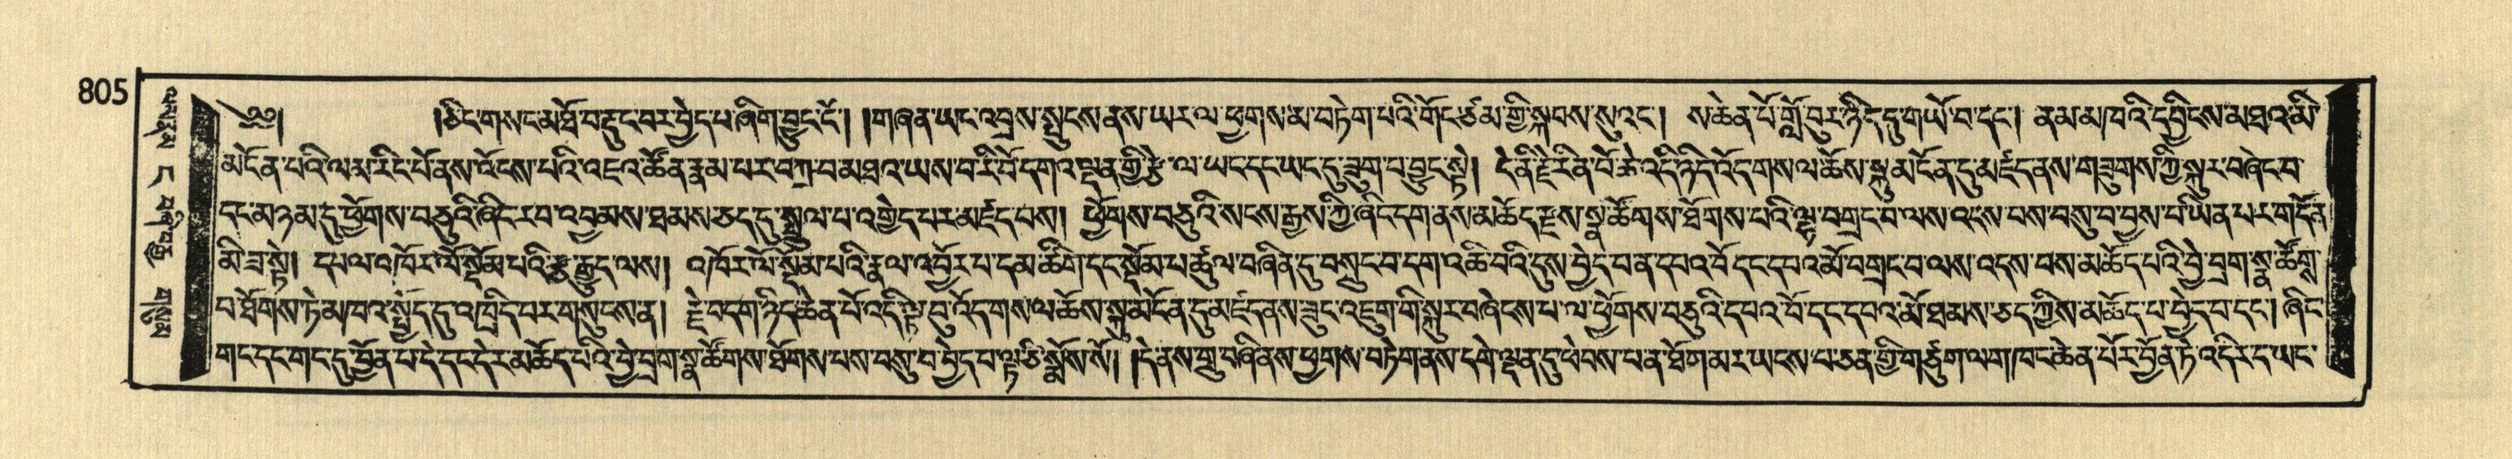༄༅། །ཅིང་གསང་མཐོ་བ་རྡུང་བར་བྱེད་པ་ཞིག་བྱུང་ངོ། །གཞན་ཡང་འབྲས་སྤུངས་ནས་ཡར་ལ་ཕྱགས་མ་བཏེག་པའི་གོང་ཙམ་གྱི་སྐབས་སུའང་། ས་ཆེན་པོ་གློ་བུར་ཉིད་དུ་གཡོ་བ་དང་། ནམ་མཁའི་དབྱིངས་མཐའ་མི་
མངོན་པའི་ལམ་རིང་པོ་ནས་འོངས་པའི་འཇའ་ཚོན་རྣམ་པར་བཀྲ་བ་མཐའ་ཡས་བ་རི་བོ་དགའ་ལྡན་གྱི་རྩེ་ལ་ཡང་དང་ཡང་དུ་ཟུག་པ་བྱུང་སྟེ། དེ་ནི་རྗེ་རིན་པོ་ཆེ་འདི་ཉིད་འོད་གསལ་ཆོས་སྐུ་མངོན་དུ་མཛད་ནས་གཟུགས་ཀྱི་སྐུར་བཞེང་བ་
དང་མཉམ་དུ་ཕྱོགས་བཅུའི་ཞིང་རབ་འབྱམས་ཐམས་ཅད་དུ་སྤྲུལ་པ་འགྱེད་པར་མཛད་བས། ཕྱོགས་བཅུའི་སངས་རྒྱས་ཀྱི་ཞིང་དག་ནས་མཆོད་རྫས་སྣ་ཚོགས་ཐོགས་པའི་ལྷ་བགྲང་བ་ལས་འདས་པས་བསུ་བ་བྱས་པ་ཡིན་པར་གདོན་
མི་ཟ་སྟེ། དཔལ་འཁོར་ལོ་སྡོམ་པའི་རྩ་རྒྱུད་ལས། འཁོར་ལོ་སྡོམ་པའི་རྣལ་འབྱོར་པ་དམ་ཚིག་དང་སྡོམ་པ་ཚུལ་བཞིན་དུ་བསྲུང་བ་དག་འཆི་བའི་དུས་བྱེད་པ་ན་དཔའ་བོ་དང་དཔའ་མོ་བགྲང་བ་ལས་འདས་བས་མཆོད་པའི་བྱེ་བྲག་སྣ་ཚོགས་
བ་ཐོགས་ཏེ་མཁའ་སྤྱོད་དུ་འཁྲིད་པར་གསུངས་ན། རྗེ་བདག་ཉིད་ཆེན་པོ་འདི་ལྟ་བུ་འོད་གསལ་ཆོས་སྐུ་མངོན་དུ་མཛད་ནས་ཟུང་འཇུག་གི་སྐུར་བཞེངས་པ་ལ་ཕྱོགས་བཅུའི་དཔའ་བོ་དང་དཔའ་མོ་ཐམས་ཅད་ཀྱིས་མཆོད་པ་བྱེད་པ་དང་། ཞིང་
གང་དང་གང་དུ་བྱོན་པ་དེ་དང་དེར་མཆོད་པའི་བྱེ་བྲག་སྣ་ཚོགས་ཐོགས་པས་བསུ་བ་བྱེད་པ་ལྟ་ཅི་སྨོས་སོ། །དེ་ནས་གྲུ་བཞི་ནས་ཕྱགས་བཏེག་ནས་དགེ་ལྡན་དུ་ཕེབས་པ་ན་ཐོག་མར་ཡངས་པ་ཅན་གྱི་གཙུག་ལག་ཁང་ཆེན་པོར་བྱོན་ཏེ་འདིར་ང་ཡང་